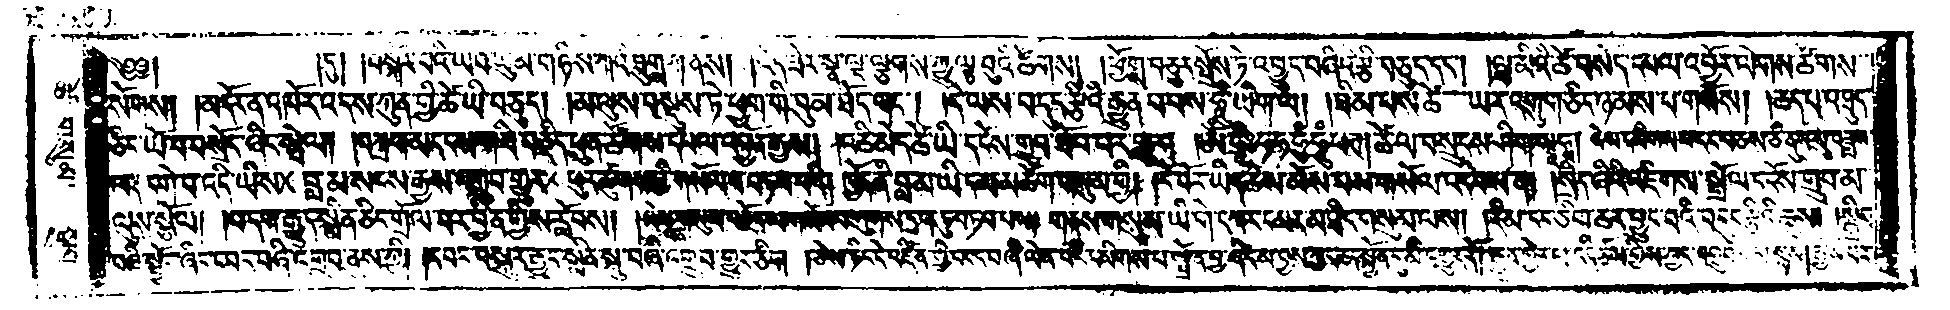༄༅། །དུ། །བསྐོར་བའི་ཡབ་ཡུམ་གཉིས་ཀའི་ཐུགས་ཀ་ནས། །འོད་ཟེར་སྣ་ལྔ་ལྕགས་ཀྱུ་ལྟ་བུའི་ཚོགས། །ཕྱོགས་བཅུར་སྤྲོས་ཏེ་འབྱུང་བཞིའི་རྩི་བཅུད་དང་། །ལྷ་མིའི་ཚེ་བསོད་དཔལ་འབྱོར་ལེགས་ཚོགས་
སོགས། །མདོར་ན་འཁོར་འདས་ཀུན་གྱི་ཚེ་ཡི་བཅུད། །མ་ལུས་བསྡུས་ཏེ་ཕྱག་གི་བུམ་ཐོད་གང་། །དེ་ལས་བདུད་རྩིའི་རྒྱུན་བབས་ཧཱུཾ་ཡིག་ལ། །ཐིམ་པས་ཚེ་ཡར་འགུག་ཅིང་ཉམས་པ་གསོས། །ཆད་པ་འཐུད་
ཅིང་ཡོ་བ་བསྲོད་ཞིང་སྤེལ། །བཀྲག་མདངས་གཟི་བརྗིད་ཕུན་ཚོགས་དཔལ་འབྱོར་རྒྱས། །འཆི་མེད་ཚེ་ཡི་དངོས་གྲུབ་ཐོབ་པར་གྱུར། །ཨོཾ་ཧྲཱིཿ ཧ་ཧ་ཧུཾ་ཧཱུཾ་ཕཊ། ཚེ་ལ་བསྲུངས་ཤིག་སྭཱ་ཧཱ། ཞེས་དམིགས་པ་དང་བཅས་ཅི་ནུས་སུ་བཟླས་
ལ༑ དགེ་བ་འདི་ཡིས་྾་བླ་མ་སངས་རྒྱས་འགྲུབ་གྱུར་྾་ཕུར་ཚུགས་ཀྱི་གསོལ་བ་བཏབ་པ་ནི། ཁྱོད་ནི་བླ་མ་ཡི་དམ་མཆོག་གསུམ་གྱི། །ངོ་བོར་ཡིད་ཆེས་མོས་པས་གསོལ་འདེབས་ན། །སྲིད་ཞིའི་འཇིགས་སྒྲོལ་དངོས་གྲུབ་མ་
ལུས་སྩོལ། །བདག་རྒྱུད་སྨིན་ཅིང་གྲོལ་བར་བྱིན་གྱིས་རློབས། ། ཞེས་ལན་གསུམ་བརྗོད་ལ་གསོལ་བ་ཤུགས་དྲག་ཏུ་བཏབ་པས།  གནས་གསུམ་ཡི་གེ་དཀར་དམར་མཐིང་གསུམ་ལས། །རིམ་དང་ཅིག་ཆར་བྱུང་བའི་བདུད་རྩིའི་ཆུས། །སྒྲིབ་
བཞི་སྦྱོང་ཞིང་དབང་བཞི་འགྲུབ་ནུས་ཀྱི། །དབང་བསྐུར་རྒྱུད་སྨིན་སྐུ་བཞི་འགྲུབ་གྱུར་ཅིག །ཅེས་ཏིང་ངེ་འཛིན་གྱི་དབང་བཞི་ལེན་པའི་དམིགས་པ་སྤྲོ་ན་བྱ་ཞིང་མ་བྱས་ཀྱང་ཆད་སྐྱོན་དུ་མི་འགྱུར་རོ། རྒྱུན་ཁྱེར་ལ་འདི་ཙམ་གྱིས་ཀྱང་འགྲུབ་བམ་སྙམ། རྒྱས་པར་